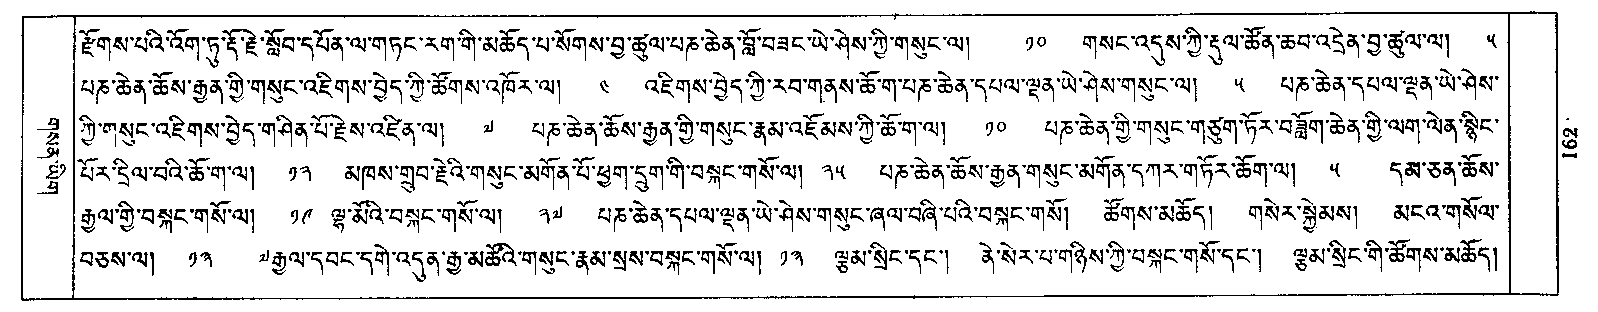རྫོགས་པའི་འོག་ཏུ་རྡོ་རྗེ་སློབ་དཔོན་ལ་གཏང་རག་གི་མཆོད་པ་སོགས་བྱ་ཚུལ་པཎ་ཆེན་བློ་བཟང་ཡེ་ཤེས་ཀྱི་གསུང་ལ། ༡༠་གསང་འདུས་ཀྱི་རྡུལ་ཚོན་ཆབ་འདྲེན་བྱ་ཚུལ་ལ། ༥
པཎ་ཆེན་ཆོས་རྒྱན་གྱི་གསུང་འཇིགས་བྱེད་ཀྱི་ཚོགས་འཁོར་ལ། ༤་འཇིགས་བྱེད་ཀྱི་རབ་གནས་ཆོ་ག་པཎ་ཆེན་དཔལ་ལྡན་ཡེ་ཤེས་གསུང་ལ། ༥་པཎ་ཆེན་དཔལ་ལྡན་ཡེ་ཤེས་
ཀྱི་གསུང་འཇིགས་བྱེད་གཤིན་པོ་རྗེས་འཛིན་ལ། ༧་པཎ་ཆེན་ཆོས་རྒྱན་གྱི་གསུང་རྣམ་འཇོམས་ཀྱི་ཆོ་ག་ལ། ༡༠་པཎ་ཆེན་གྱི་གསུང་གཙུག་ཏོར་བཟློག་ཆེན་གྱི་ལག་ལེན་སྙིང་
པོར་དྲིལ་བའི་ཆོ་ག་ལ། ༡༢་མཁས་གྲུབ་རྗེའི་གསུང་མགོན་པོ་ཕྱག་དྲུག་གི་བསྐང་གསོ་ལ། ༢༥་པཎ་ཆེན་ཆོས་རྒྱན་གསུང་མགོན་དཀར་གཏོར་ཆོག་ལ། ༥་དམ་ཅན་ཆོས་
རྒྱལ་གྱི་བསྐང་གསོ་ལ། ༡༩་ལྷ་མོའི་བསྐང་གསོ་ལ། ༢༧་པཎ་ཆེན་དཔལ་ལྡན་ཡེ་ཤེས་གསུང་ཞལ་བཞི་པའི་བསྐང་གསོ། ཚོགས་མཆོད། གསེར་སྐྱེམས། མངའ་གསོལ་
བཅས་ལ། ༡༣་༧རྒྱལ་དབང་དགེ་འདུན་རྒྱ་མཚོའི་གསུང་རྣམ་སྲས་བསྐང་གསོ་ལ། ༡༣་ལྕམ་སྲིང་དང་། ནེ་སེར་པ་གཉིས་ཀྱི་བསྐང་གསོ་དང་། ལྕམ་སྲིང་གི་ཚོགས་མཆོད།